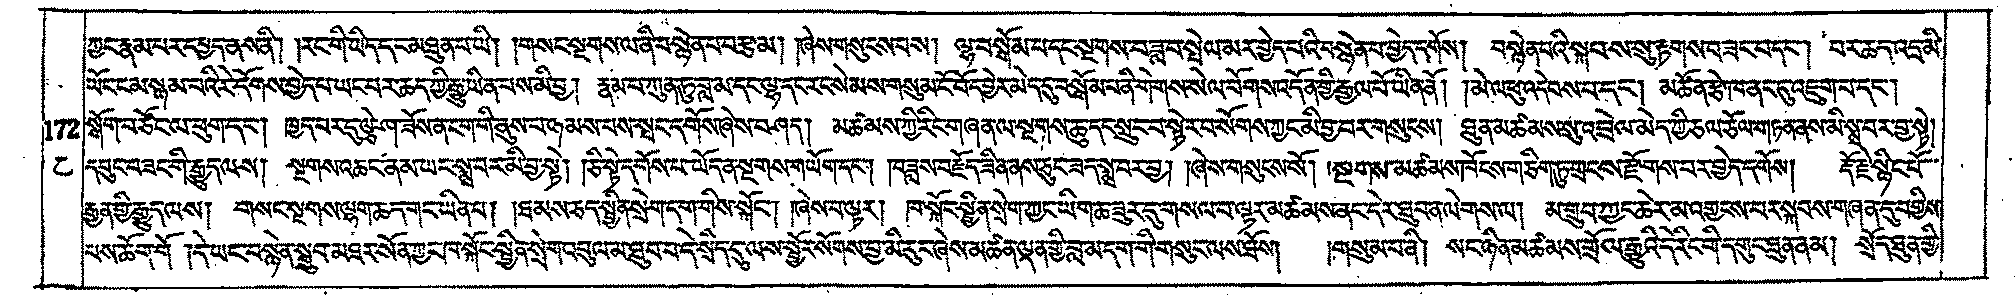ཀྱང་རྣམ་པར་དཔྱད་ནས་ནི། །རང་གི་ཡིད་དང་མཐུན་པ་ཡི། །གསང་སྔགས་ལ་ནི་བསྙེན་པ་བརྩམ། །ཞེས་གསུངས་པས། ལྷ་བསྒོམ་པ་དང་སྔགས་བཟླ་བ་སྤེལ་མར་བྱེད་པའི་བསྙེན་པ་བྱེད་དགོས། བསྙེན་པའི་སྐབས་སུ་རྟགས་བཟང་བ་དང་། བར་ཆད་འདྲ་མི་
ཡོང་ངམ་སྙམ་པའི་རེ་དོགས་བྱེད་པ་ཡང་བར་ཆད་ཀྱི་རྒྱུ་ཡིན་པས་མི་བྱ། རྣམ་པ་ཀུན་ཏུ་བླ་མ་དང་ལྷ་དང་རང་སེམས་གསུམ་ངོ་བོ་དབྱེར་མེད་དུ་བསྒོམ་པ་ནི་གེགས་སེལ་བོགས་འདོན་གྱི་རྒྱལ་པོ་ཡིན་ནོ། །མེ་ལ་ཕུ་འདེབས་པ་དང་། མཚོན་རྩེ་ཁ་ནང་དུ་འཇུག་པ་དང་།
སྒོག་བཙོང་ལ་ཕུག་དང་། ཁྱད་པར་དུ་ལྕེ་ཤ་ཟོས་ན་ངག་གི་ནུས་པ་ཉམས་པས་སྤང་དགོས་ཞེས་བཤད། མཚམས་ཀྱི་རིང་གཞན་ལ་སྔགས་ཆུ་དང་སྲུང་བ་སྟེར་བ་སོགས་ཀྱང་མི་བྱ་བར་གསུངས། ཐུན་མཚམས་སུ་འབྲེལ་མེད་ཀྱི་ཅལ་ཅོལ་གཏན་ནས་མི་སྨྲ་བར་བྱ་སྟེ།
དཔུང་བཟང་གི་རྒྱུད་ལས། སྔགས་འཆང་ནམ་ཡང་སྨྲ་བར་མི་བྱ་སྟེ། །ཅི་སྟེ་དགོས་པ་ཡོད་ན་སྔགས་གཡོག་དང་། །བཟླས་བརྗོད་ཟིན་ནས་ཅུང་ཟད་སྨྲ་བར་བྱ། །ཞེས་གསུངས་སོ། །སྔགས་མཚམས་ཁོངས་གཅིག་ཏུ་གྲངས་རྫོགས་པར་བྱེད་དགོས། རྡོ་རྗེ་སྙིང་པོ་་་
རྒྱན་གྱི་རྒྱུད་ལས། གསང་སྔགས་ལྷག་ཆད་གང་ཡིན་པ། །ཐམས་ཅད་སྦྱིན་སྲེག་དག་གིས་སྐོང་། །ཞེས་པ་ལྟར། ཁ་སྐོང་སྦྱིན་སྲེག་ཀྱང་ཡིག་ཆ་ཟུར་དུ་གསལ་བ་ལྟར་མཚམས་ནང་དེར་ཐུབ་ན་ལེགས་ལ། མ་གྲུབ་ཀྱང་ཆེར་མ་འགྱངས་པར་སྐབས་གཞན་དུ་བགྱིས་
པས་ཆོག་གོ །དེ་ཡང་བསྙེན་སྒྲུབ་མཐར་སོན་ཀྱང་ཁ་སྐོང་སྦྱིན་སྲེག་འབུལ་མ་ཐུབ་པ་དེ་སྲིད་དུ་ལས་སྦྱོར་སོགས་བྱ་མི་རུང་ཞེས་མཚན་ལྡན་གྱི་བླ་མ་དག་གི་གསུང་ལས་ཐོས། །གསུམ་པ་ནི། སང་ཉིན་མཚམས་གྲོལ་རྒྱུའི་དེ་རིང་གི་དགུང་ཐུན་ནམ། སྲོད་ཐུན་གྱི་